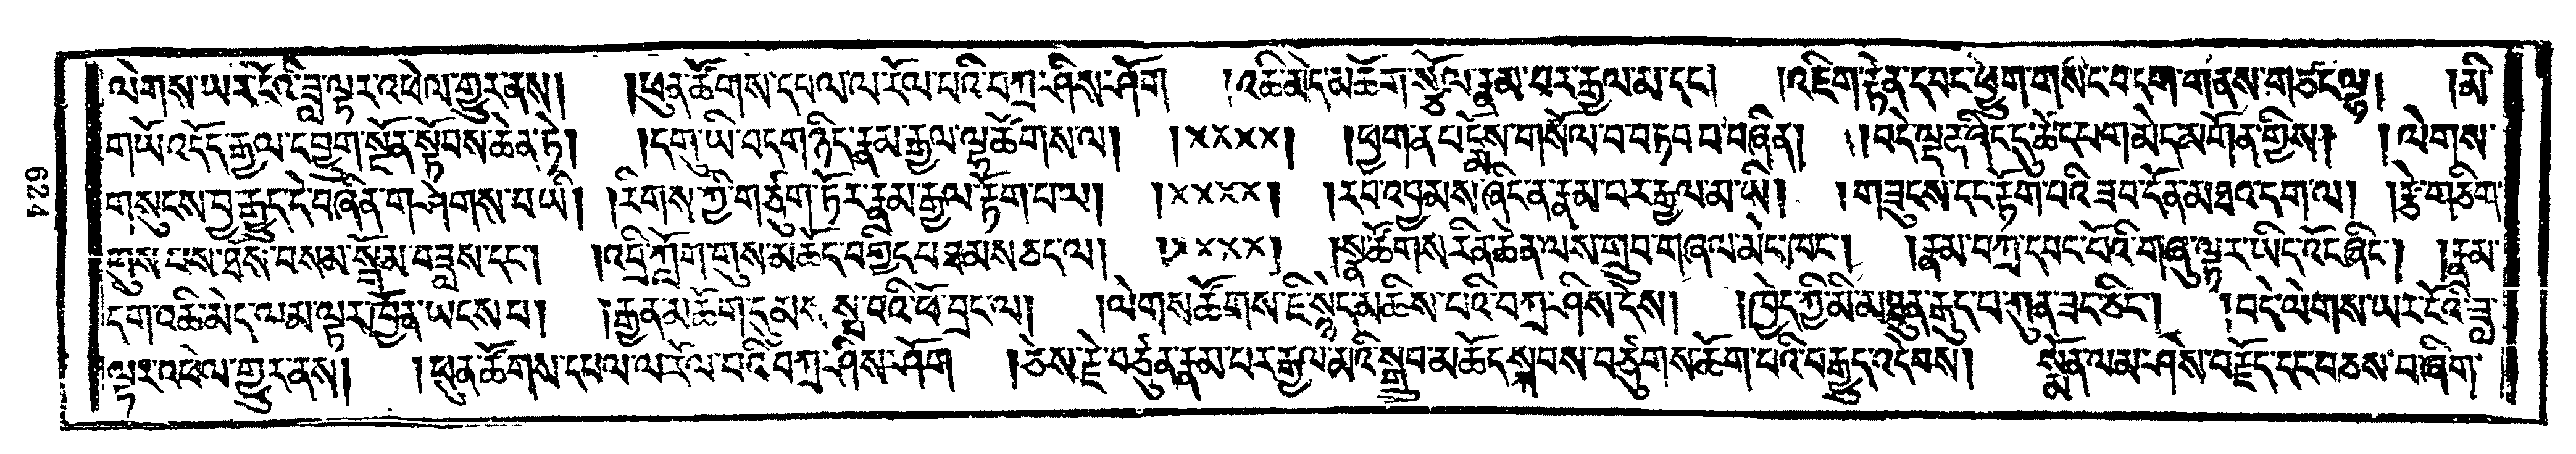ལེགས་ཡར་ངོའི་ཟླ་ལྟར་འཕེལ་གྱུར་ནས། །ཕུན་ཚོགས་དཔལ་ལ་རོལ་པའི་བཀྲ་ཤིས་ཤོག །འཆི་མེད་མཆོག་སྩོལ་རྣམ་པར་རྒྱལ་མ་དང་། །འཇིག་རྟེན་དབང་ཕྱུག་གསང་བདག་གནས་གཙང་ལྷ། །མི་
གཡོ་འདོད་རྒྱལ་དབྱུག་སྔོན་སྟོབས་ཆེན་ཏེ། །དགུ་ཡི་བདག་ཉིད་རྣམ་རྒྱལ་ལྷ་ཚོགས་ལ། །྾་྾་྾་྾། །ཕྱག་ན་པདམོས་གསོལ་བ་བཏབ་པ་བཞིན། །བདེ་ལྡན་ཞིང་དུ་ཚེ་དཔག་མེད་མགོན་གྱིས། །ལེགས་
གསུངས་བྱ་རྒྱུད་དེ་བཞིན་གཤེགས་པ་ཡི། །རིགས་ཀྱི་གཙུག་ཏོར་རྣམ་རྒྱལ་རྟོག་པ་ལ། །྾་྾་྾་྾། །རབ་འབྱམས་ཞིང་ན་རྣམ་པར་རྒྱལ་མ་ཡི། །གཟུངས་དང་རྟོག་པའི་ཟབ་དོན་མཐའ་དག་ལ། །རྩེ་གཅིག་
གུས་པས་ཐོས་བསམ་སྒོམ་བཟླས་དང་། །འབྲི་ཀློག་གུས་མཆོད་བགྱིད་པ་ཐམས་ཅད་ལ། །྾་྾་྾་྾། །སྣ་ཚོགས་རིན་ཆེན་ལས་གྲུབ་གཞལ་མེད་ཁང་། །རྣམ་བཀྲ་དབང་པོའི་གཞུ་ལྟར་ཡིད་འོང་ཞིང་། །རྣམ་
དག་འཆི་མེད་ལམ་ལྟར་ཁྱོན་ཡངས་པ། །རྒྱན་མཆོག་དུ་མས་སྤ་བའི་ཕོ་བྲང་ལ། །ལེགས་ཚོགས་ཇི་སྙེད་མཆིས་པའི་བཀྲ་ཤིས་དེས། །ཁྱེད་ཀྱི་མི་མཐུན་རྒུད་པ་ཀུན་ཟང་ཅིང་། །བདེ་ལེགས་ཡར་ངོའི་ཟླ་
ལྟར་འཕེལ་གྱུར་ནས། །ཕུན་ཚོགས་དཔལ་ལ་རོལ་བའི་བཀྲ་ཤིས་ཤོག །ཅེས་རྗེ་བཙུན་རྣམ་པར་རྒྱལ་མའི་སྒྲུབ་མཆོད་སྐབས་བཙུགས་ཆོག་པའི་བརྒྱུད་འདེབས། སྨོན་ལམ་ཤེས་བརྗོད་དང་བཅས་བ་ཞིག་